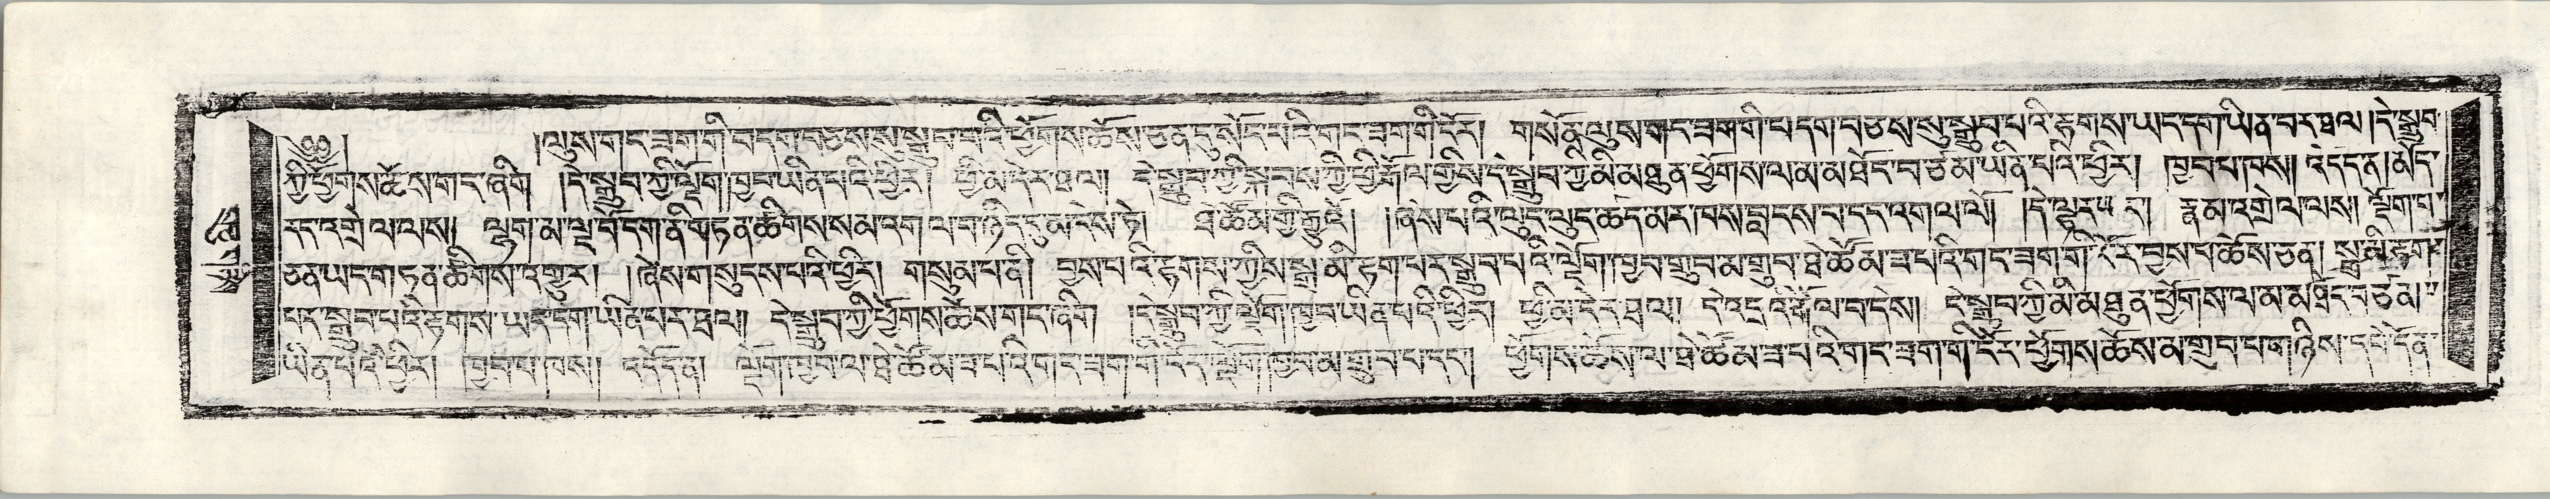༄༅། །ལུས་གང་ཟག་གི་བདག་བཅས་སུ་སྒྲུབ་པའི་ཕྱོགས་ཆོས་ཅན་དུ་སོང་བའི་གང་ཟག་གི་ངོར། གསོན་ལུས་གང་ཟག་གི་བདག་བཅས་སུ་སྒྲུབ་པའི་རྟགས་ཡང་དག་ཡིན་པར་ཐལ་།དེ་སྒྲུབ་
ཀྱི་ཕྱོགས་ཆོས་གང་ཞིག །དེ་སྒྲུབ་ཀྱི་ལྡོག་ཁྱབ་ཡིན་པའི་ཕྱིར། ཕྱི་མ་དེར་ཐལ། དེ་སྒྲུབ་ཀྱི་སྐབས་ཀྱི་ཕྱི་རྒོལ་གྱིས་དེ་སྒྲུབ་ཀྱི་མི་མཐུན་ཕྱོགས་ལ་མ་མཐོང་བ་ཙམ་ཡིན་པའི་ཕྱིར། ཁྱབ་པ་ཁས། འདོད་ན། མདོ་
རང་འགྲེལ་ལས། ལྷག་མ་ལྡ་བོ་དག་ནི་གཏན་ཚིགས་སམ་འགལ་བ་ཉིད་དུ་མ་ངེས་ཏེ། ཐེ་ཚོམ་གྱི་རྒྱུའོ། །ཞེས་པའི་ལུང་ལུང་ཚད་མར་ཁས་བླངས་པ་དང་འགལ་ལོ། །དེ་ལྟར་ཡང་། རྣམ་འགྲེལ་ལས། ལྡོག་པ་
ཅན་ཡང་གཏན་ཚིགས་འགྱུར། །ཞེས་གསུངས་པའི་ཕྱིར། གསུམ་པ་ནི། བྱས་པའི་རྟགས་ཀྱིས་སྒྲ་མི་རྟག་པར་སྒྲུབ་པའི་ལྡོག་ཁྱབ་གྲུབ་མ་གྲུབ་ཐེ་ཚོམ་ཟ་བའི་གང་ཟག་གི་ངོར་བྱས་པ་ཆོས་ཅན། སྒྲ་མི་རྟག་
པར་སྒྲུབ་པའི་རྟགས་ཡང་དག་ཡིན་པར་ཐལ། དེ་སྒྲུབ་ཀྱི་ཕྱོགས་ཆོས་གང་ཞིག །དེ་སྒྲུབ་ཀྱི་ལྡོག་ཁྱབ་ཡིན་པའི་ཕྱིར། ཕྱི་མ་དེར་ཐལ། དེ་འདྲའི་རྒོལ་བ་དེས། དེ་སྒྲུབ་ཀྱི་མི་མཐུན་ཕྱོགས་ལ་མ་མཐོང་བ་ཙམ་
ཡིན་པའི་ཕྱིར། ཁྱབ་པ་ཁས། འདོད་ན། ལྡོག་ཁྱབ་ལ་ཐེ་ཚོམ་ཟ་བའི་གང་ཟག་གི་ངོར་ལྡོག་ཁྱབ་མ་གྲུབ་པ་དང་། ཕྱོགས་ཆོས་ལ་ཐེ་ཚོམ་ཟ་བའི་གང་ཟག་གི་ངོར་ཕྱོགས་ཆོས་མ་གྲུབ་པ་གཉིས་དཔེ་དོན་